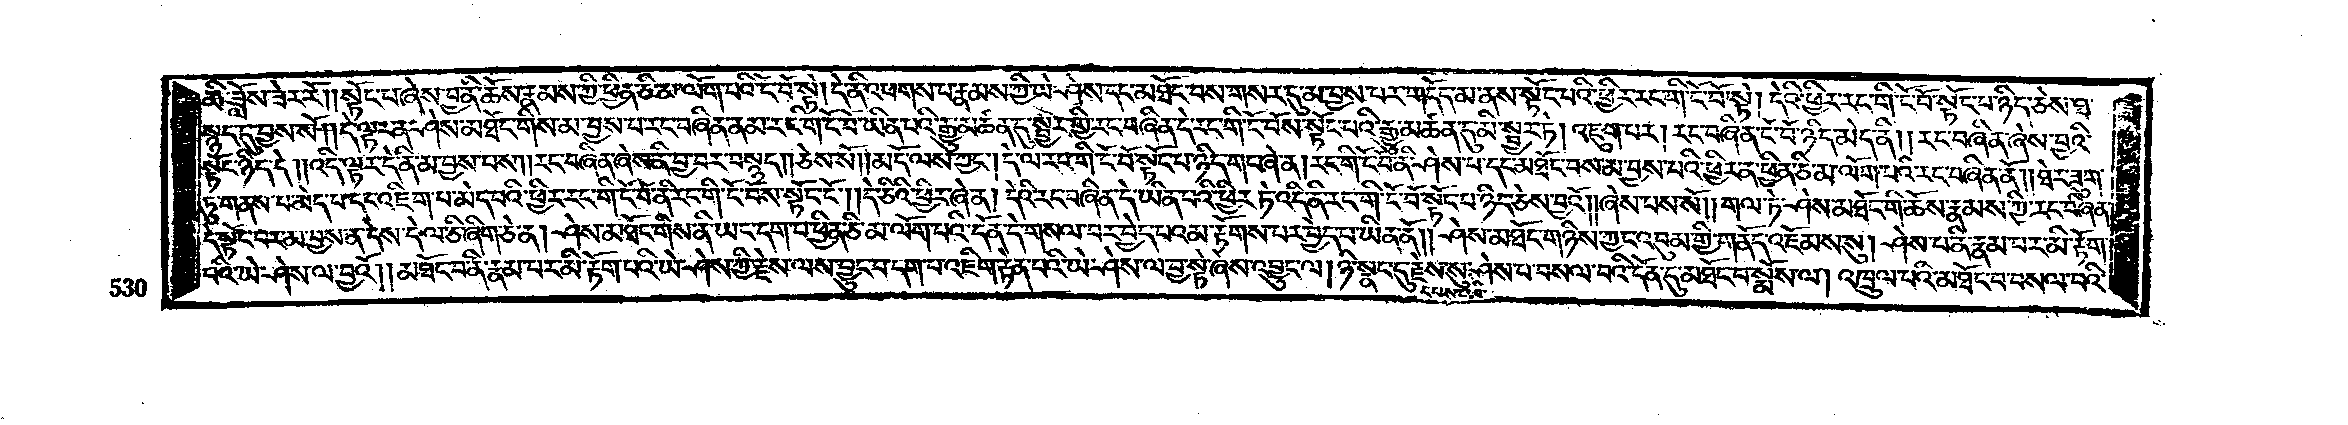མི་ཟློས་ཟེར་རོ། །སྟོང་པ་ཞེས་བྱ་ནི་ཆོས་རྣམས་ཀྱི་ཕྱིན་ཅི་མ་ལོག་པའི་ངོ་བོ་སྟེ། དེ་ནི་འཕགས་པ་རྣམས་ཀྱི་ཡེ་ཤེས་དང་མཐོང་བས་གསར་དུ་མ་བྱས་པར་གདོད་མ་ནས་སྟོང་པའི་ཕྱིར་རང་གི་ངོ་བོ་སྟེ། དེའི་ཕྱིར་རང་གི་ངོ་བོ་སྟོང་པ་ཉིད་ཅེས་ཐ་
སྙད་དུ་བྱས་སོ། །དེ་ལྟར་ན་ཤེས་མཐོང་གིས་མ་བྱས་པ་རང་བཞིན་ནམ་རང་གི་ངོ་བོ་ཡིན་པའི་རྒྱུ་མཚན་དུ་སྦྱར་གྱི་རང་བཞིན་དེ་རང་གི་ངོ་བོས་སྟོང་པའི་རྒྱུ་མཚན་དུ་མི་སྦྱར་ཏེ། འཇུག་པར། རང་བཞིན་ངོ་བོ་ཉིད་མེད་ནི། །རང་བཞིན་ཞེས་བྱའི་
སྟོང་ཉིད་དེ། །འདི་ལྟར་དེ་ནི་མ་བྱས་པས། །རང་བཞིན་ཞེས་ནི་བྱ་བར་བསྙད། །ཅེས་སོ། །མདོ་ལས་ཀྱང་། དེ་ལ་རང་གི་ངོ་བོ་སྟོང་པ་ཉིད་གང་ཞེ་ན། རང་གི་ངོ་བོ་ནི་ཤེས་པ་དང་མཐོང་བས་མ་བྱས་པའི་ཕྱིར་ན་ཕྱིན་ཅི་མ་ལོག་པའི་རང་བཞིན་ནོ། །ཐེར་ཟུག་
ཏུ་གནས་པ་མེད་པ་དང་འཇིག་པ་མེད་པའི་ཕྱིར་རང་གི་ངོ་བོ་ནི་རང་གི་ངོ་བོས་སྟོང་ངོ། །དེ་ཅིའི་ཕྱིར་ཞེ་ན། དེའི་རང་བཞིན་དེ་ཡིན་པའི་ཕྱིར་ཏེ་འདི་ནི་རང་གི་ངོ་བོ་སྟོང་པ་ཉིད་ཅེས་བྱའོ། །ཞེས་བས་སོ། །གལ་ཏེ་ཤེས་མཐོང་གི་ཆོས་རྣམས་ཀྱི་རང་བཞིན་
དེ་སྟོང་པར་མ་བྱས་ན་དེས་དེ་ལ་ཅི་ཞིག་ཅེ་ན། ཤེས་མཐོང་གིས་ནི་ཡང་དག་པ་ཕྱིན་ཅི་མ་ལོག་པའི་དོན་དེ་གསལ་བར་བྱེད་པའམ་རྟོགས་པར་བྱེད་པ་ཡིན་ནོ། །ཤེས་མཐོང་གཉིས་ཀྱང་འབུམ་གྱི་གནོད་འཇོམས་སུ། ཤེས་པ་ནི་རྣམ་པར་མི་རྟོག་
པའི་ཡེ་ཤེས་ལ་བྱའོ། །མཐོང་བ་ནི་རྣམ་པར་མི་རྟོག་པའི་ཡེ་ཤེས་ཀྱི་རྗེས་ལས་བྱུང་བ་དག་པ་འཇིག་རྟེན་པའི་ཡེ་ཤེས་ལ་བྱ་སྟེ་ཞེས་འབྱུང་ལ། ཉི་སྣང་དུ་རྗེས་སུ་དཔག་པའི་ཤེས་པ་བསལ་བའི་དོན་དུ་མཐོང་བ་སྨོས་ལ། འཁྲུལ་པའི་མཐོང་བ་བསལ་བའི་